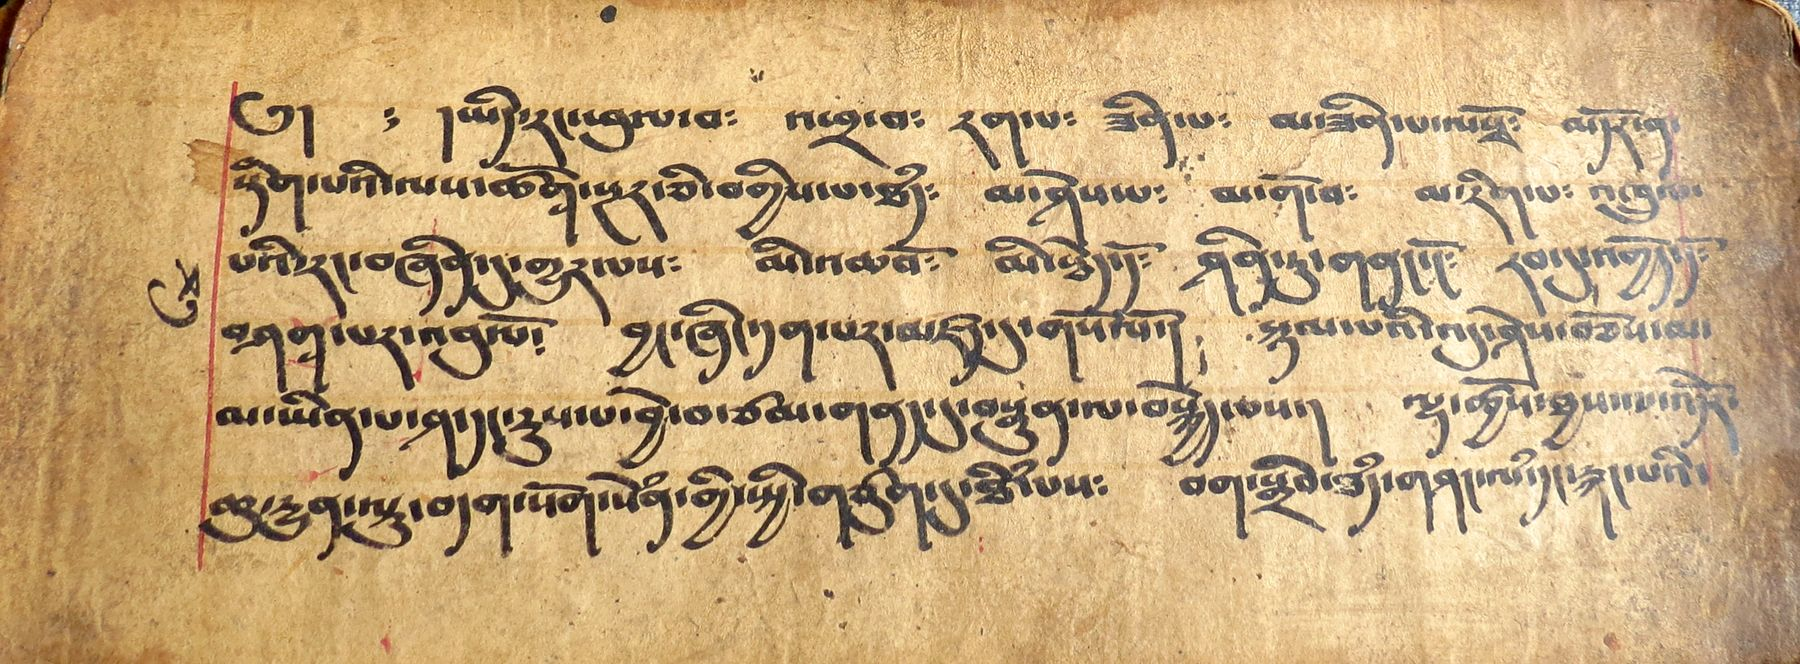ཡིད་རངས་ཕུལ་བ། འཕྲ་བ། རགས་པ། ཟིན་པ། མ་ཟིན་པ་ལ་སོགས་མདོར་ན་
སྡིག་པའི་ལས་ཚོགས་སྔར་ཅི་བགྱིས་པ་ཐམས་ཅད་མ་ཤེས་པ། མ་གོ་བ། མ་རིག་པ། འཁྲུལ་
པའི་རང་བཞིན་དུ་གྱུར་པ། མི་འཆབ་པོ། མི་སྦེད་དོ། ། ཤིན་ཏུ་གནང་ངོ་། རབ་ཏུ་འགྱོད་དོ། 
བཤགས་པ་འབུལ་ལོ། བྱང་ཞིང་དག་པར་མཛད་དུ་གསོལ་ལོ། ། སྙམ་པའི་འདུ་ཤེས་བཅོས་མ་
མ་ཡིན་པ་ཤ་དང་རུས་པ་བྱེ་བ་ཙམ་བསྐྱེད་པས། ལྷ་ཚོགས་ཐུགས་ལས་འོད་ཟེར་
ཆུ་རྒྱུན་ལྟ་བུ་བྱུང་ནས་བདག་སོགས་སེམས་ཅན་གྱི་སྤྱི་གཙུག་ཏུ་ཐིམ་པས། བག་སྒྲིབ་ཐམས་ཅད་གཤང་ལམ་དང་རྐང་པའི་